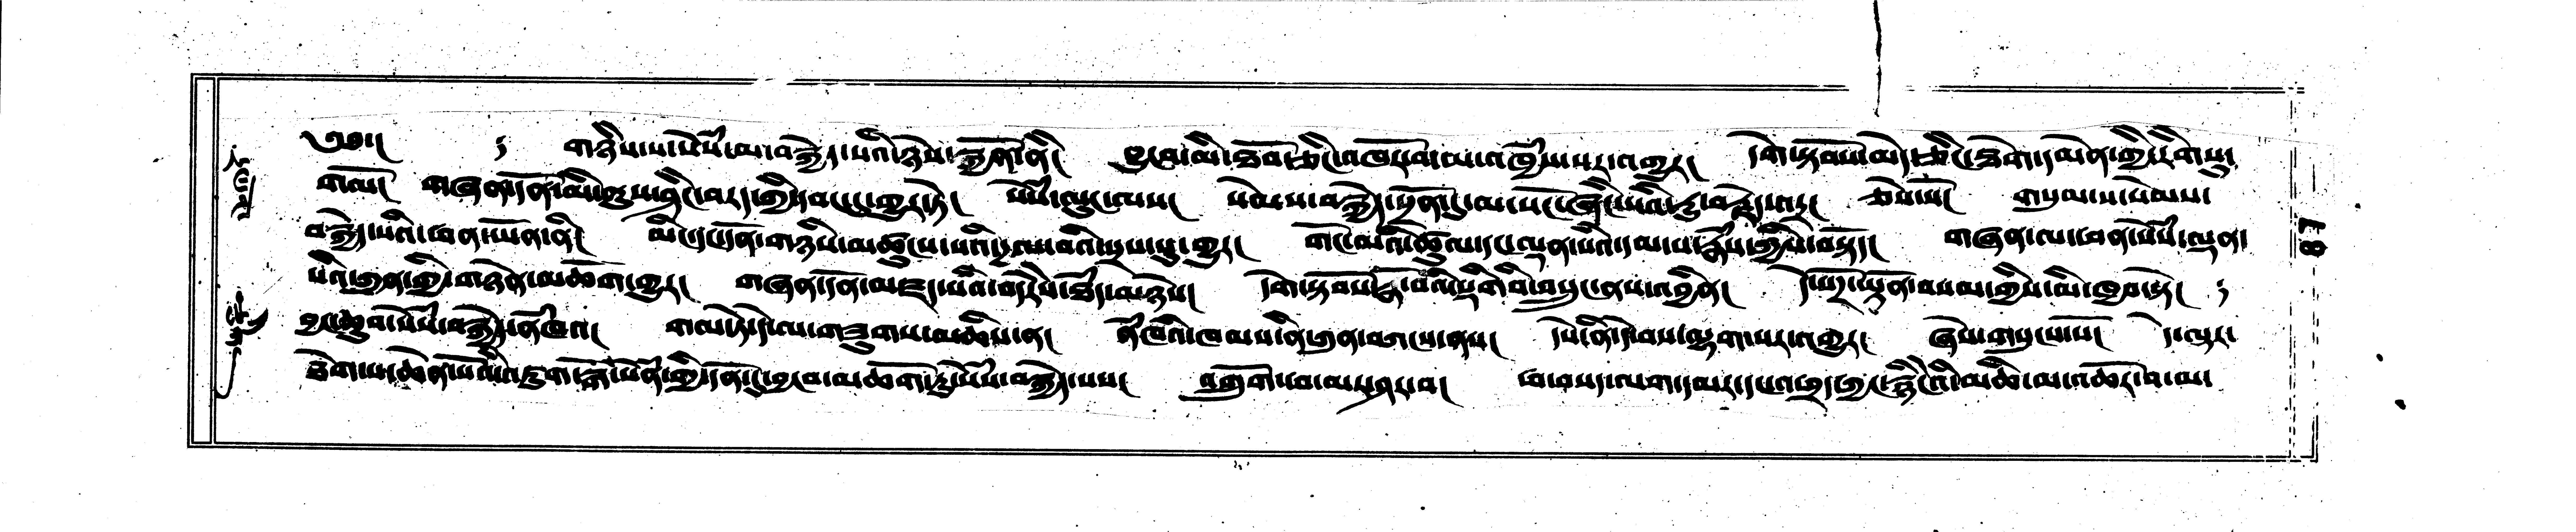གཉིས་པ་སེམས་མ་བསྐྱེད་པའི་ཉེས་སྐྱོན་ནི། བྱང་ཆུབ་མི་འཐོབ་ཅིང་འཁོར་བ་ལ་འཁྱམས་པར་འགྱུར། དགེ་སྟོབས་མེད་ཅིང་ཐེག་དམན་གྱི་རིགས་སུ་
གོལ། གཞན་དོན་མི་ནུས་ཤིང་བར་ཆད་ཀྱི་དབང་དུ་གྱུར་ཏེ། སེམས་ལུང་ལས། སེམས་བསྐྱེད་སྔོན་དུ་མ་སོང་ཞིང་པས་རྒྱུ་བརྗེད་འདྲ། ཅེས་སོ། །གསུམ་པ་སེམས་
བསྐྱེད་པའི་ཕན་ཡོན་ནི། མིང་དང་དོན་གཉིས་མཚུངས་པའི་རྒྱལ་བའི་སྲས་སུ་གྱུར། གོང་མའི་ཚུལ་དང་ལྡན་པའི་དམ་པ་རྣམས་ཀྱིས་བསྟོད། གཞན་ལ་ཕན་སེམས་ལྡན་
པ་ཀུན་གྱི་གཉེན་མཆོག་གྱུར། གཞན་དོན་མཛད་པའི་བདེར་གཤེགས་ཐམས་ཅད་མཉེས། དགེ་སྟོབས་རྣོ་བའི་སྡིག་སྒྲིབ་དྲུང་ནས་འབྱིན། །དེ་སོགས་ཡོན་ཏན་བསམ་གྱིས་མི་ཁྱབ་སྟེ། །
བྱང་ཆུབ་སེམས་བསྐྱེད་ནམ་མཁའ། གལ་ཏེ་དེ་ལ་གཟུགས་མཆིས་ན། ནམ་མཁའི་ཁམས་ནི་ཀུན་བཀང་ན། དེས་ནི་དེ་བས་ལྷག་པར་འགྱུར། །ཞེས་གསུངས་སོ། །དེ་ལྟར་
ཐེག་པ་ཆེན་པོའི་འཇུག་སྒོ་སེམས་ཅན་གྱི་དོན་དུ་བྱང་ཆུབ་མཆོག་ཏུ་སེམས་པས། འགྲོ་དྲུག་ཕ་མར་ཤར་བ། ཕ་བསད་ལག་དམར་དང་འཕྲད་ཀྱང་སྙིང་རྗེའི་མཆི་མ་འཆོར་བ་མ་